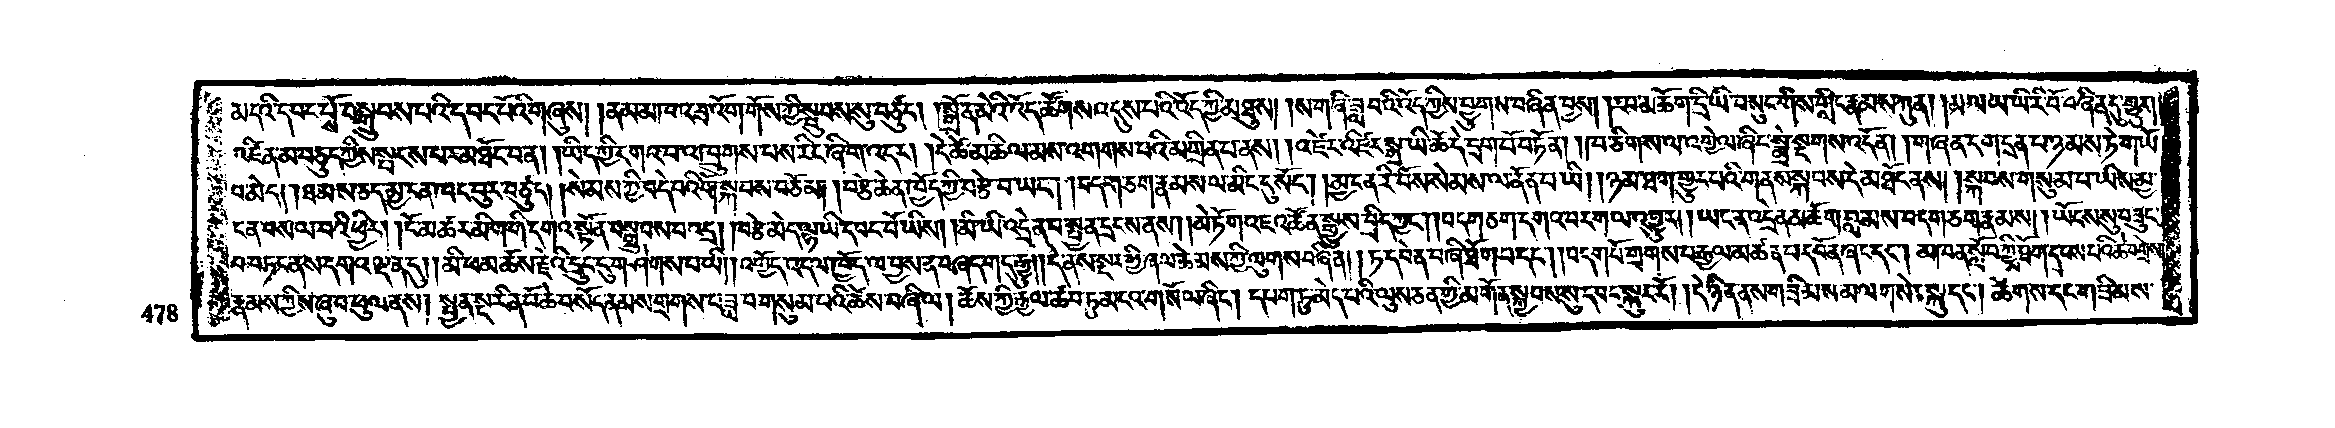མདའི་དབང་པོས་བསྒྲུབས་པའི་དབང་པོའི་གཞུས། །ནམ་མཁའ་ཟ་འོག་གོས་ཀྱི་སྦུབས་སུ་བཙུད། །སྒྲོན་མིའི་འོད་ཚོགས་འདུས་པའི་འོད་ཀྱི་མཐུས། །ས་གཞི་ཟླ་བའི་འོད་ཀྱིས་བྱུགས་བཞིན་བྱས། །རབ་མཆོག་དྲི་ཡི་བསུང་གིས་གླིང་རྣམས་ཀུན། །མ་ལ་ཡ་ཡི་རི་བོ་བཞིན་དུ་གྱུར། །
འཛིན་མ་བཅུད་ཀྱིས་སྤངས་པར་མཐོང་བ་ན། །ཡིད་ཀྱི་དགའ་བ་འཁྲུགས་པས་རིང་ཞིག་འདར། །དེ་ཚེ་མཆིལ་མས་འགགས་པའི་མགྲིན་པ་ནས། །འཛེར་འཛེར་སྒྲ་ཡི་ཚེ་དེ་དྲག་པོ་བཏོན། །ཁ་ཅིག་ས་ལ་འགྱེལ་ཞིང་སྨྲེ་སྔགས་འདོན། །གཞན་དག་དྲན་པ་ཉམས་ཏེ་གཡོ་
བ་མེད། །ཐམས་ཅད་མྱ་ངན་ཁང་བུར་བཙུད། །སེམས་ཀྱི་བདེ་བའི་གོ་སྐབས་བཅོམ། །བརྩེ་ཆེན་ཁྱོད་ཀྱི་བརྩེ་བ་ཡང་། །བདག་ཅག་རྣམས་ལ་མིང་དུ་སོང་། །མྱ་ངན་རི་བོས་སེམས་ལ་ནོན་པ་ཡི། །ཉམ་ཐག་གྱུར་པའི་གནས་སྐབས་དེ་མཐོང་ནས། །སྐབས་གསུམ་པ་ཡིས་མྱ་
ངན་བསལ་བའི་ཕྱིར། །ངོ་མཚར་མིག་གི་དགའ་སྟོན་བསྒྲུབས་པ་འདྲ། །བརྩེ་མེད་ལྷ་ཡི་དབང་པོ་ཡིས། །མི་ཡི་འདྲེན་པ་སྤྱན་དྲངས་ནས། །མེ་ཏོག་འཇའ་ཚོན་སྒྱུས་བྲིད་ཀྱང་། །བདག་ཅག་དགའ་བར་ག་ལ་འགྱུར། །ཡང་ན་འདྲེན་མཆོག་བླ་མས་བདག་ཅག་རྣམས། །ཡོངས་སུ་བཟུང་
བ་བཏང་ནས་དགའ་ལྡན་དུ། །མི་ཕམ་ཆོས་རྗེའི་དྲུང་དུ་གཤེགས་པ་ཡི། །འགྱོད་འདལ་ཁྱོད་ལ་བྱས་ན་བཞད་གད་རྒྱུ། །དེ་ནས་སྔར་གྱི་ཞལ་ཆེམས་ཀྱི་ལུགས་བཞིན། །ཏ་དབེན་བཞི་ཐོག་པ་དང་། །བདག་པོ་གྲགས་པ་རྒྱལ་མཚན་པ་དཔོན་ཞང་དང་། མཁན་སློབ་གྱིས་ཐོག་དངས་པའི་ཆེ་བགྲེས་
རྣམས་ཀྱིས་ཞུ་བ་ཕུལ་ནས། སྤྱན་སྔར་རིན་པོ་ཆེ་བསོད་ནམས་གྲགས་པ་ཟླ་བ་གསུམ་པའི་ཚེས་བཞི་ལ། ཆོས་ཀྱི་རྒྱལ་ཚབ་ཏུ་མངའ་གསོལ་ཞིང་། དཔག་ཏུ་མེད་པའི་ལུས་ཅན་གྱི་མགོར་སྐྱབས་སུ་དབང་སྐུར་རོ། །དེ་ཉིན་ནས་གཟིམས་མང་གསེར་སྒྱུར་དང་། ཚོགས་དང་གཟིམས་